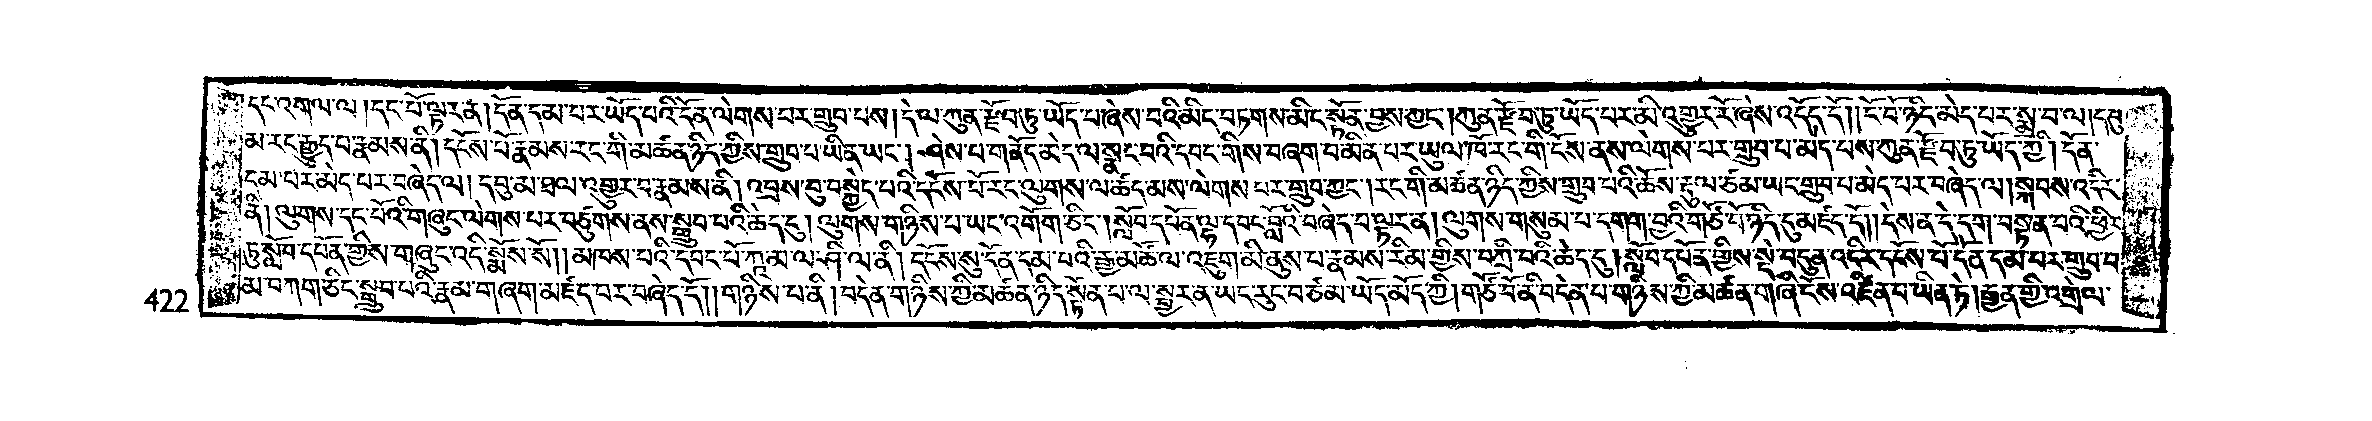དང་འགལ་ལ། དང་པོ་ལྟར་ན། དོན་དམ་པར་ཡོད་པའི་དོན་ལེགས་པར་གྲུབ་པས། དེ་ལ་ཀུན་རྫོབ་ཏུ་ཡོད་པ་ཞེས་པའི་མིང་བཏགས་མིང་སྟོན་བྱས་ཀྱང་། ཀུན་རྫོབ་ཏུ་ཡོད་པར་མི་འགྱུར་རོ་ཞེས་འདོད་དོ། །ངོ་བོ་ཉིད་མེད་པར་སྨྲ་བ་ལ། དབུ་
མ་རང་རྒྱུད་པ་རྣམས་ནི། དངོས་པོ་རྣམས་རང་གི་མཚན་ཉིད་ཀྱིས་གྲུབ་པ་ཡིན་ཡང་། ཤེས་པ་གནོད་མེད་ལ་སྣང་བའི་དབང་གིས་བཞག་པ་མིན་པར་ཡུལ་ཁོ་རང་གི་ངོས་ནས་ལེགས་པར་གྲུབ་པ་མེད་པས་ཀུན་རྫོབ་ཏུ་ཡོད་ཀྱི། དོན་
དམ་པར་མེད་པར་བཞེད་ལ། དབུ་མ་ཐལ་འགྱུར་བ་རྣམས་ནི། འབྲས་བུ་བསྐྱེད་པའི་དངོས་པོ་རང་ལུགས་ལ་ཚད་མས་ལེགས་པར་གྲུབ་ཀྱང་། རང་གི་མཚན་ཉིད་ཀྱིས་གྲུབ་པའི་ཆོས་རྡུལ་ཙམ་ཡང་གྲུབ་པ་མེད་པར་བཞེད་ལ། སྐབས་འདིར་
ནི། ལུགས་དང་པོའི་གཞུང་ལེགས་པར་བཙུགས་ནས་སྒྲུབ་པའི་ཆེད་དུ། ལུགས་གཉིས་པ་ཡང་འགོག་ཅིང་། སློབ་དཔོན་ལྷ་དབང་བློའི་བཞེད་པ་ལྟར་ན། ལུགས་གསུམ་པ་དགག་བྱའི་གཙོ་བོ་ཉིད་དུ་མཛད་དོ། །དེས་ན་དེ་དག་བསྟན་པའི་ཕྱིར་
ཏུ་སློབ་དཔོན་གྱིས་གཞུང་འདི་སྨོས་སོ། །མཁས་པའི་དབང་པོ་ཀཱ་མ་ལ་ཤི་ལ་ནི། དངོས་སུ་དོན་དམ་པའི་རྒྱ་མཚོ་ལ་འཇུག་མི་ནུས་པ་རྣམས་རིམ་གྱིས་བཀྲི་བའི་ཆེད་དུ། སློབ་དཔོན་གྱིས་སྡེ་བདུན་འདིར་དངོས་པོ་དོན་དམ་པར་གྲུབ་པ་
མ་བཀག་ཅིང་སྒྲུབ་པའི་རྣམ་གཞག་མཛད་པར་བཞེད་དོ། །གཉིས་པ་ནི། བདེན་གཉིས་ཀྱི་མཚན་ཉིད་སྟོན་པ་ལ་སྦྱར་ན་ཡང་རུང་བ་ཙམ་ཡོད་མོད་ཀྱི། གཙོ་བོ་ནི་བདེན་པ་གཉིས་ཀྱི་མཚན་གཞི་ངོས་འཛིན་པ་ཡིན་ཏེ། རྒྱན་གྱི་འགྲེལ་